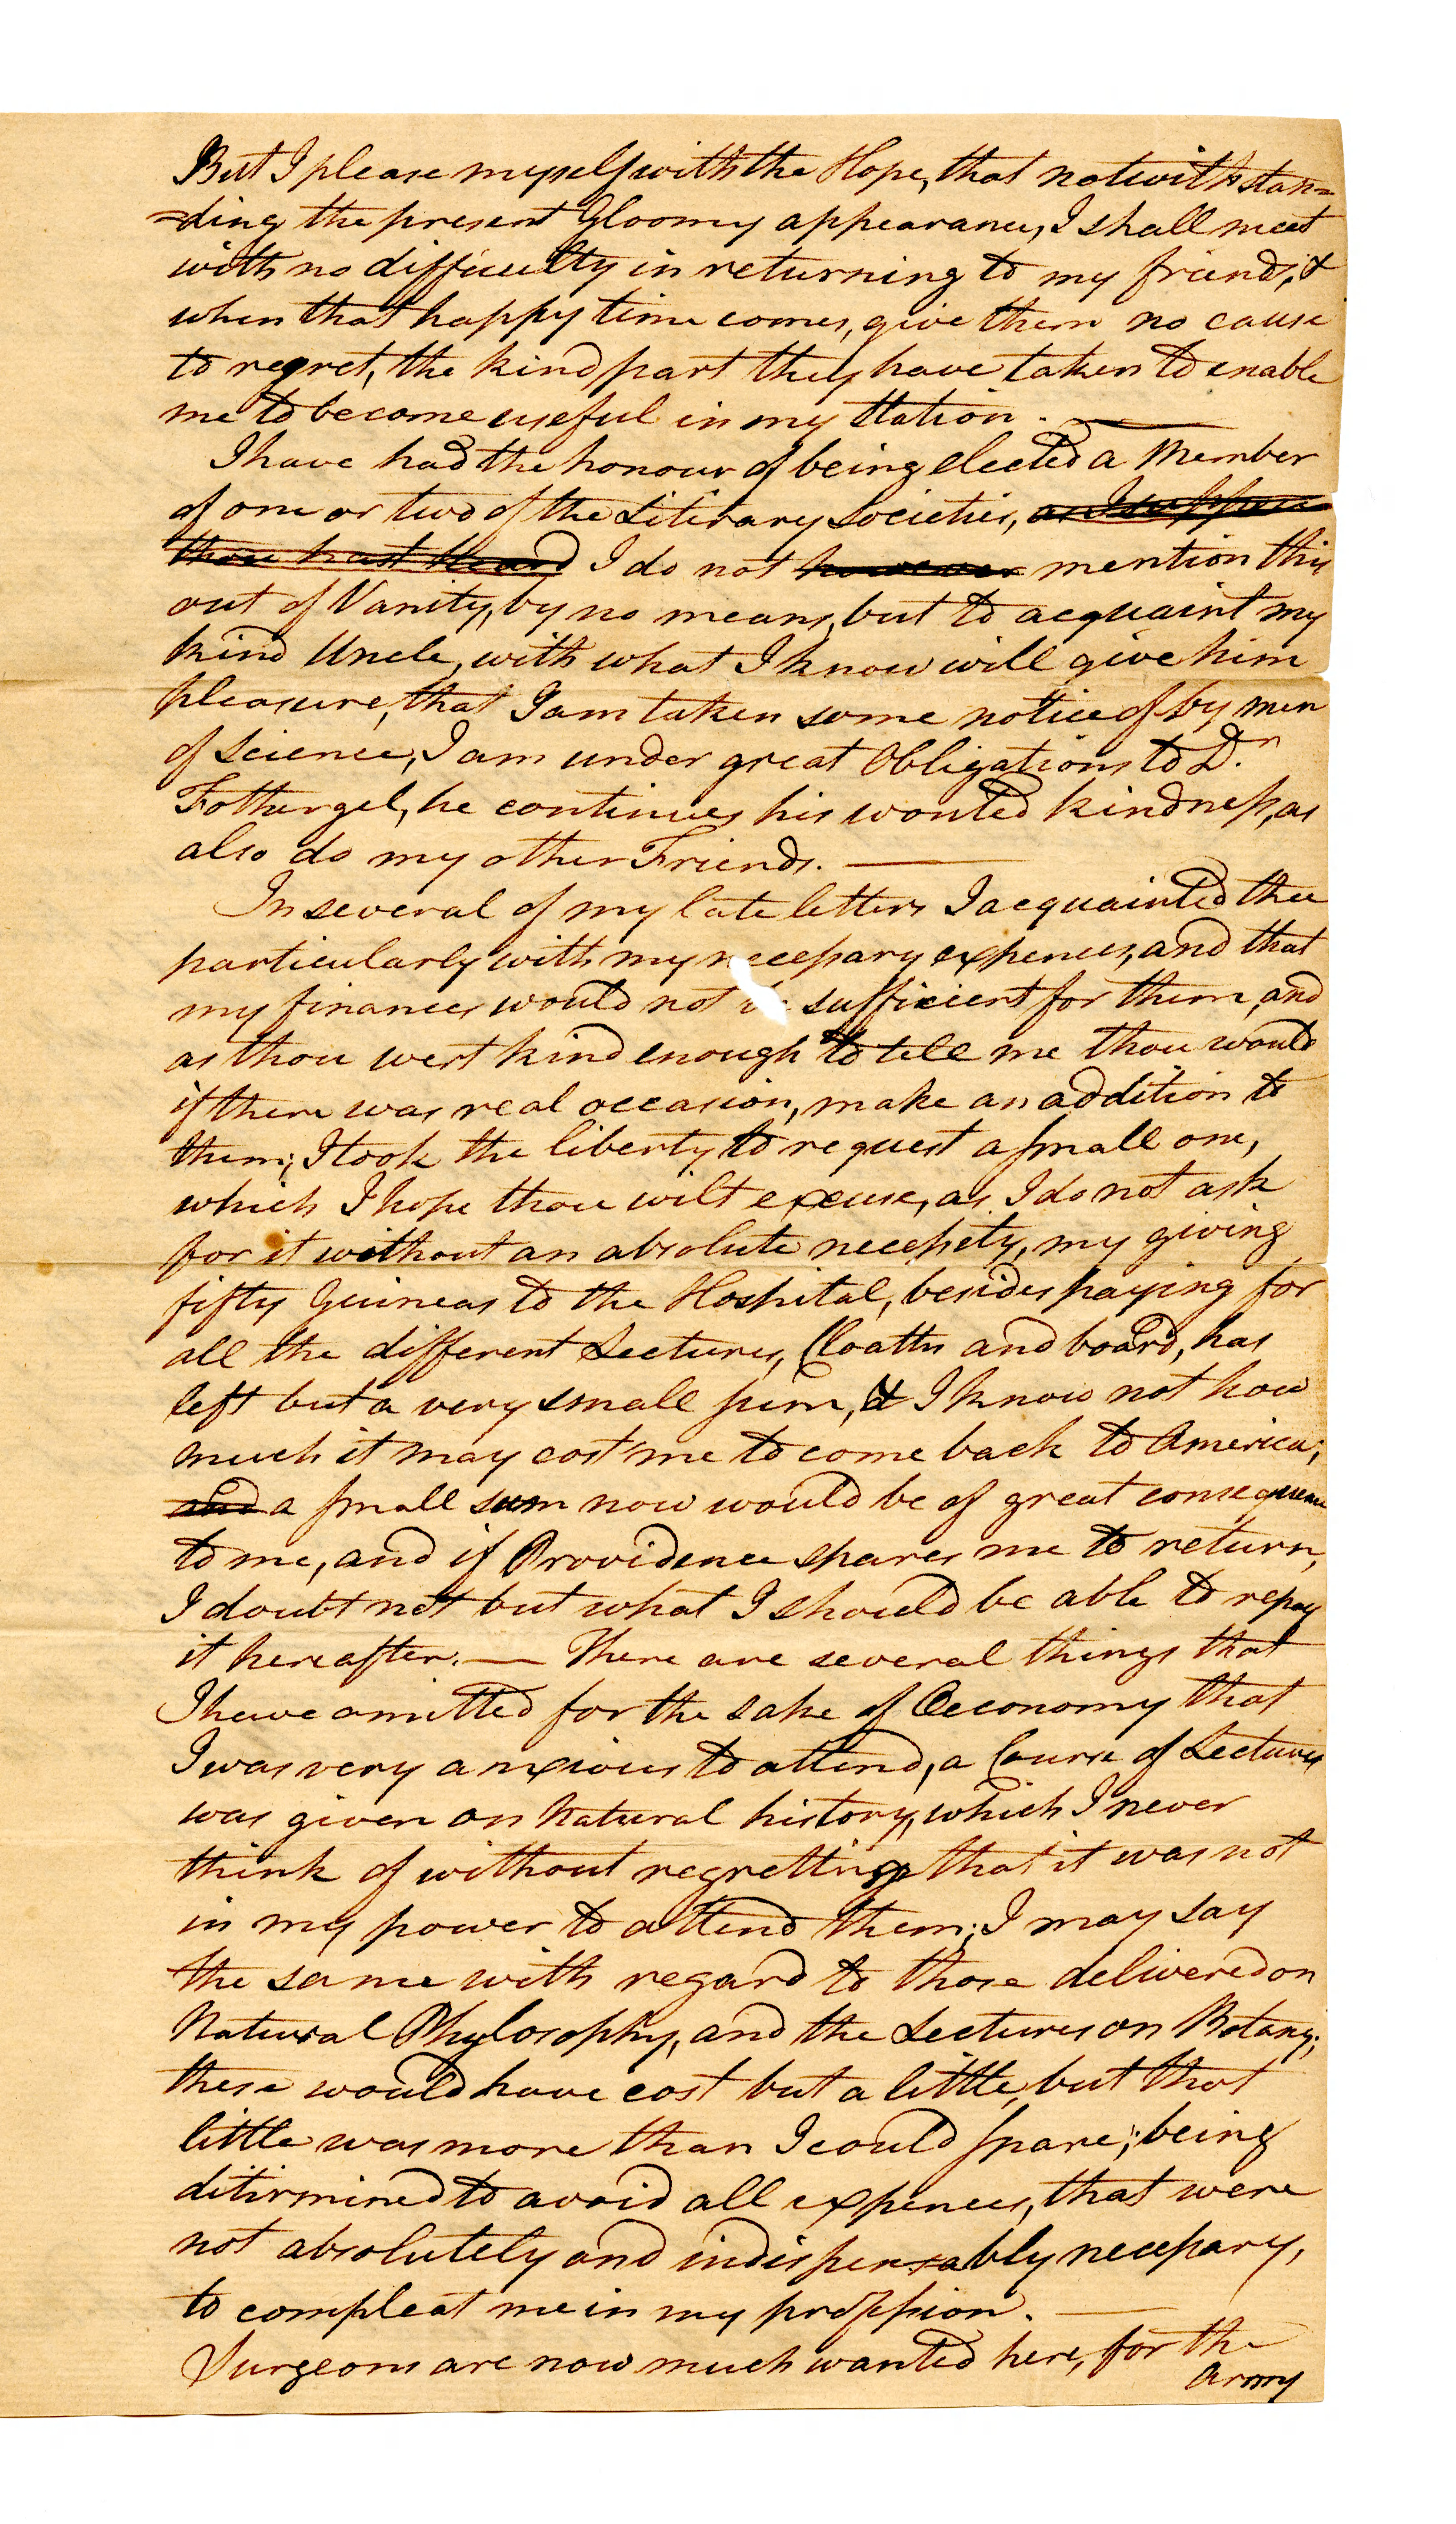But I please myself with the Hope, that notwithstan-
-ding the present Gloomy appearance, I shall meet
with no difficulty in returning to my friends, &
when that happy time comes, give them no cause
to regret, the kind part they have taken to enable
me to become useful in my station.-
I have had the honour of being elected a Member
of one or two of the Literary Societies, [or I suppose]
[thou hast heard] I do not [however] mention this
out of Vanity, by no means, but to acquaint my
kind Uncle with what I know will give him
pleasure, that I am taken some notice of by men
of Science, I am under great Obligations to D^r.
Fothergel, he continues his wonted kindness, as
also do my other Friends.-
In several of my late letters I acquainted thee
particularly with my necessary expences, and that
my finances would not be sufficient for them, and
as thou wert kind enough to tell me thou would
if there was real occasion, make an addition to
them; I took the liberty to request a small one,
which I hope thou wilt excuse, as I do not ask
for it without an absolute necessity, my giving
fifty Guineas to the Hospital, besides paying for
all the different Lectures, Cloaths and board, has
left but a very small sum, & I know not how
much it may cost me to come back to America;
[and] a small sum now would be of great consequence
to me, and if Providence spares me to return,
I doubt not but what I should be able to repay
it hereafter.- There are several things that
I have omitted for the sake of Oeconomy that
I was very anxious to attend a Course of Lectures
was given on Natural history, which I never
think of without regretting that it was not
in my power to attend them; I may say
the same with regard to those delivered on
Natural Phylosophy, and the Lectures on Botany;
these would have cost but a little, but that
little was more than I could spare; being
ditirmined to avoid all expences, that were
not absolutely and indispensably necessary,
to compleat me in my profession.-
Surgeons are now much wanted here, for the
army